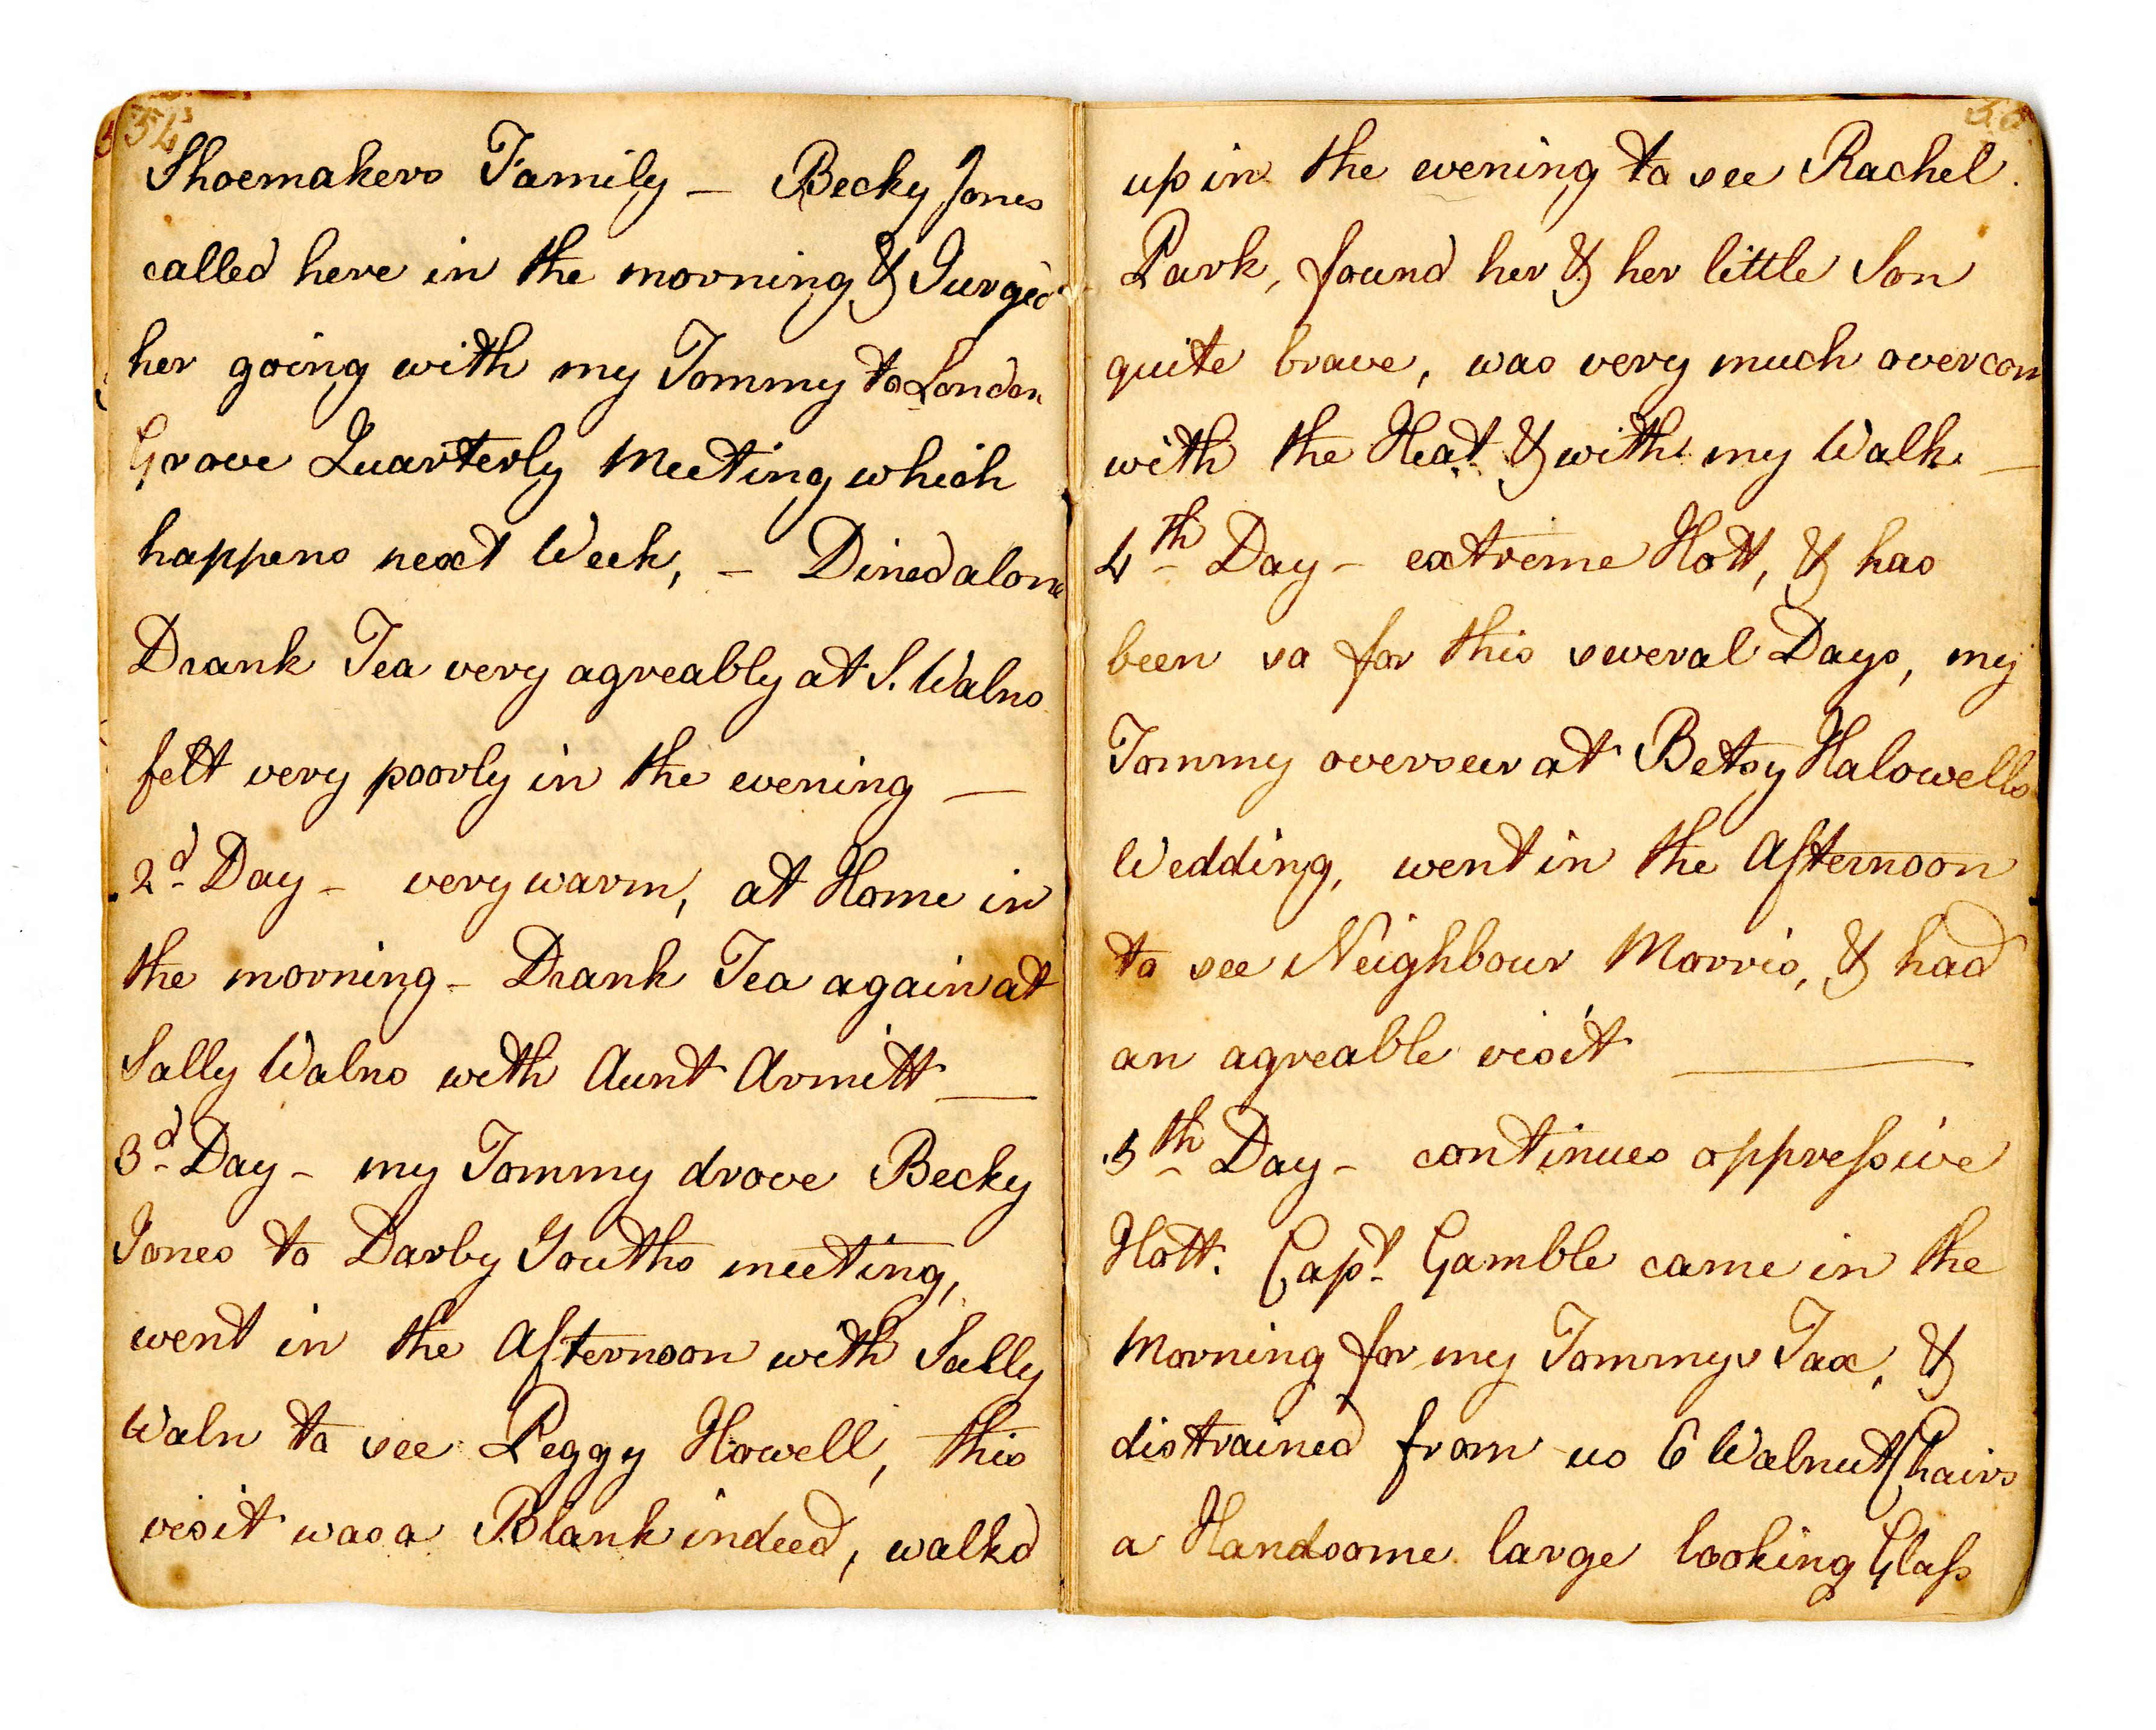54
Shoemakers Family- Becky Jones
called here in the morning & I urged
her going with my Tommy to London
Grove Quarterly Meeting, which
happens next Week,- Dined alone
Drank Tea very agreably at S. Walns
felt very poorly in the evening-
2^d Day- very warm, at Home in
the morning- Drank Tea again at
Sally Walns with Aunt Armitt-
3^d Day- my Tommy drove Becky
Jones to Darby Youths meeting,
went in the Afternoon with Sally
Waln to see Peggy Howell, this
visit was a Blank indeed, walkd
50
up in the evening to see Rachel.
Park, found her & her little Son
quite brave, was very much overcom
with the Heat & with my Walk
4^th Day- extreme Hott, & has
been so for this several Days, my
Tommy overseer at Betsy Halowells
Wedding, went in the Afternoon
to see Neighbour Morris, & had
an agreable visit
5^th Day- continues oppressive
Hott. Cap^t. Gamble came in the
Morning for my Tommys Tax &
distrained from us 6 Walnut Chairs
a Handsome large looking Glass